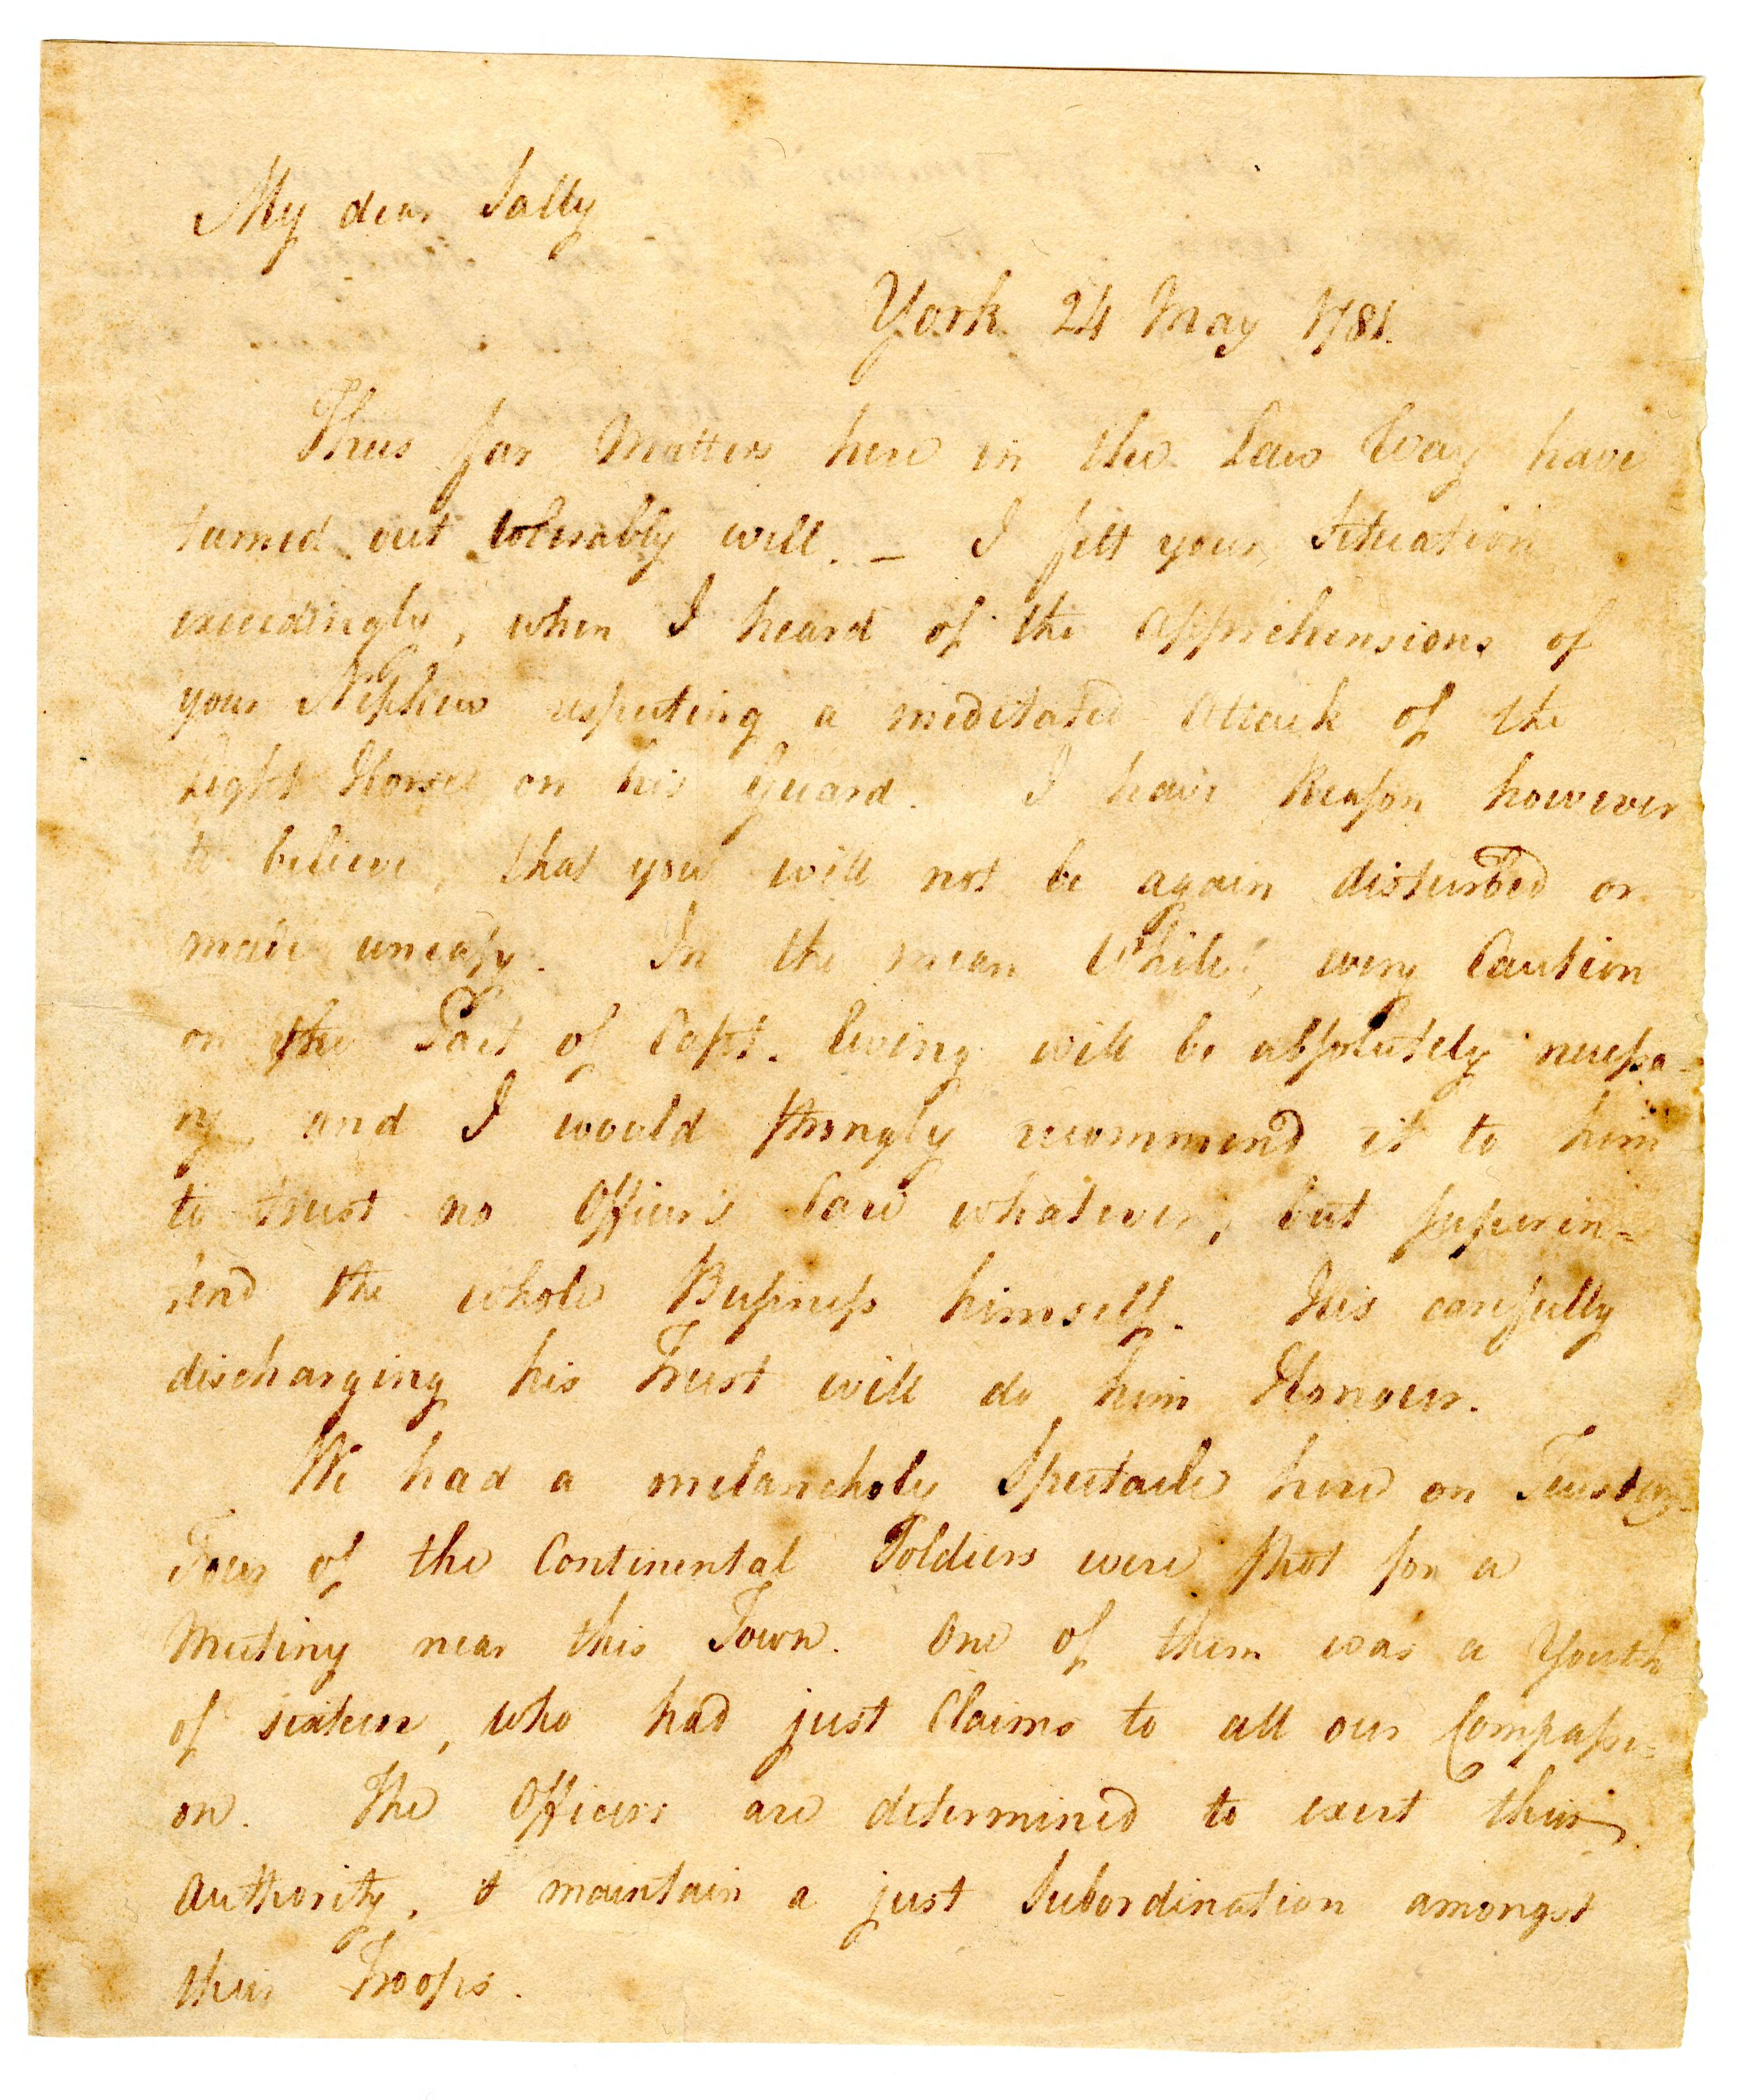York 24 May 1781
My dear Sally
Thus for Matters here in the Law way have
turned out tolerably well- I felt your Situation
exceedingly, when I heard of the Apprehensions of
your Nephew suspecting a meditated Attack of the
Light Horse on his Guard. I have Reason however
to believe that you will not be again disturbed or
made uneasy. In the mean While. every Caution
on the Pact of Capt. Ewing will be absolutely necessa-
-ry and I would Strongly recommend it to him
to trust no Officer's law whatever, but Superin-
-tend the whole Business himself. It is carefully
discharging his Trust will do him Honour.
We had a melancholy Spectacle here on Tuesday
Four of the Continental Soldiers were shot for a
Meeting near this Town. One of them was a Youth
of sixteen who had just Claims to all our Compass
on The Officers are determined to exert their
Authority, & maintain a just subordination amongst
their Troops.